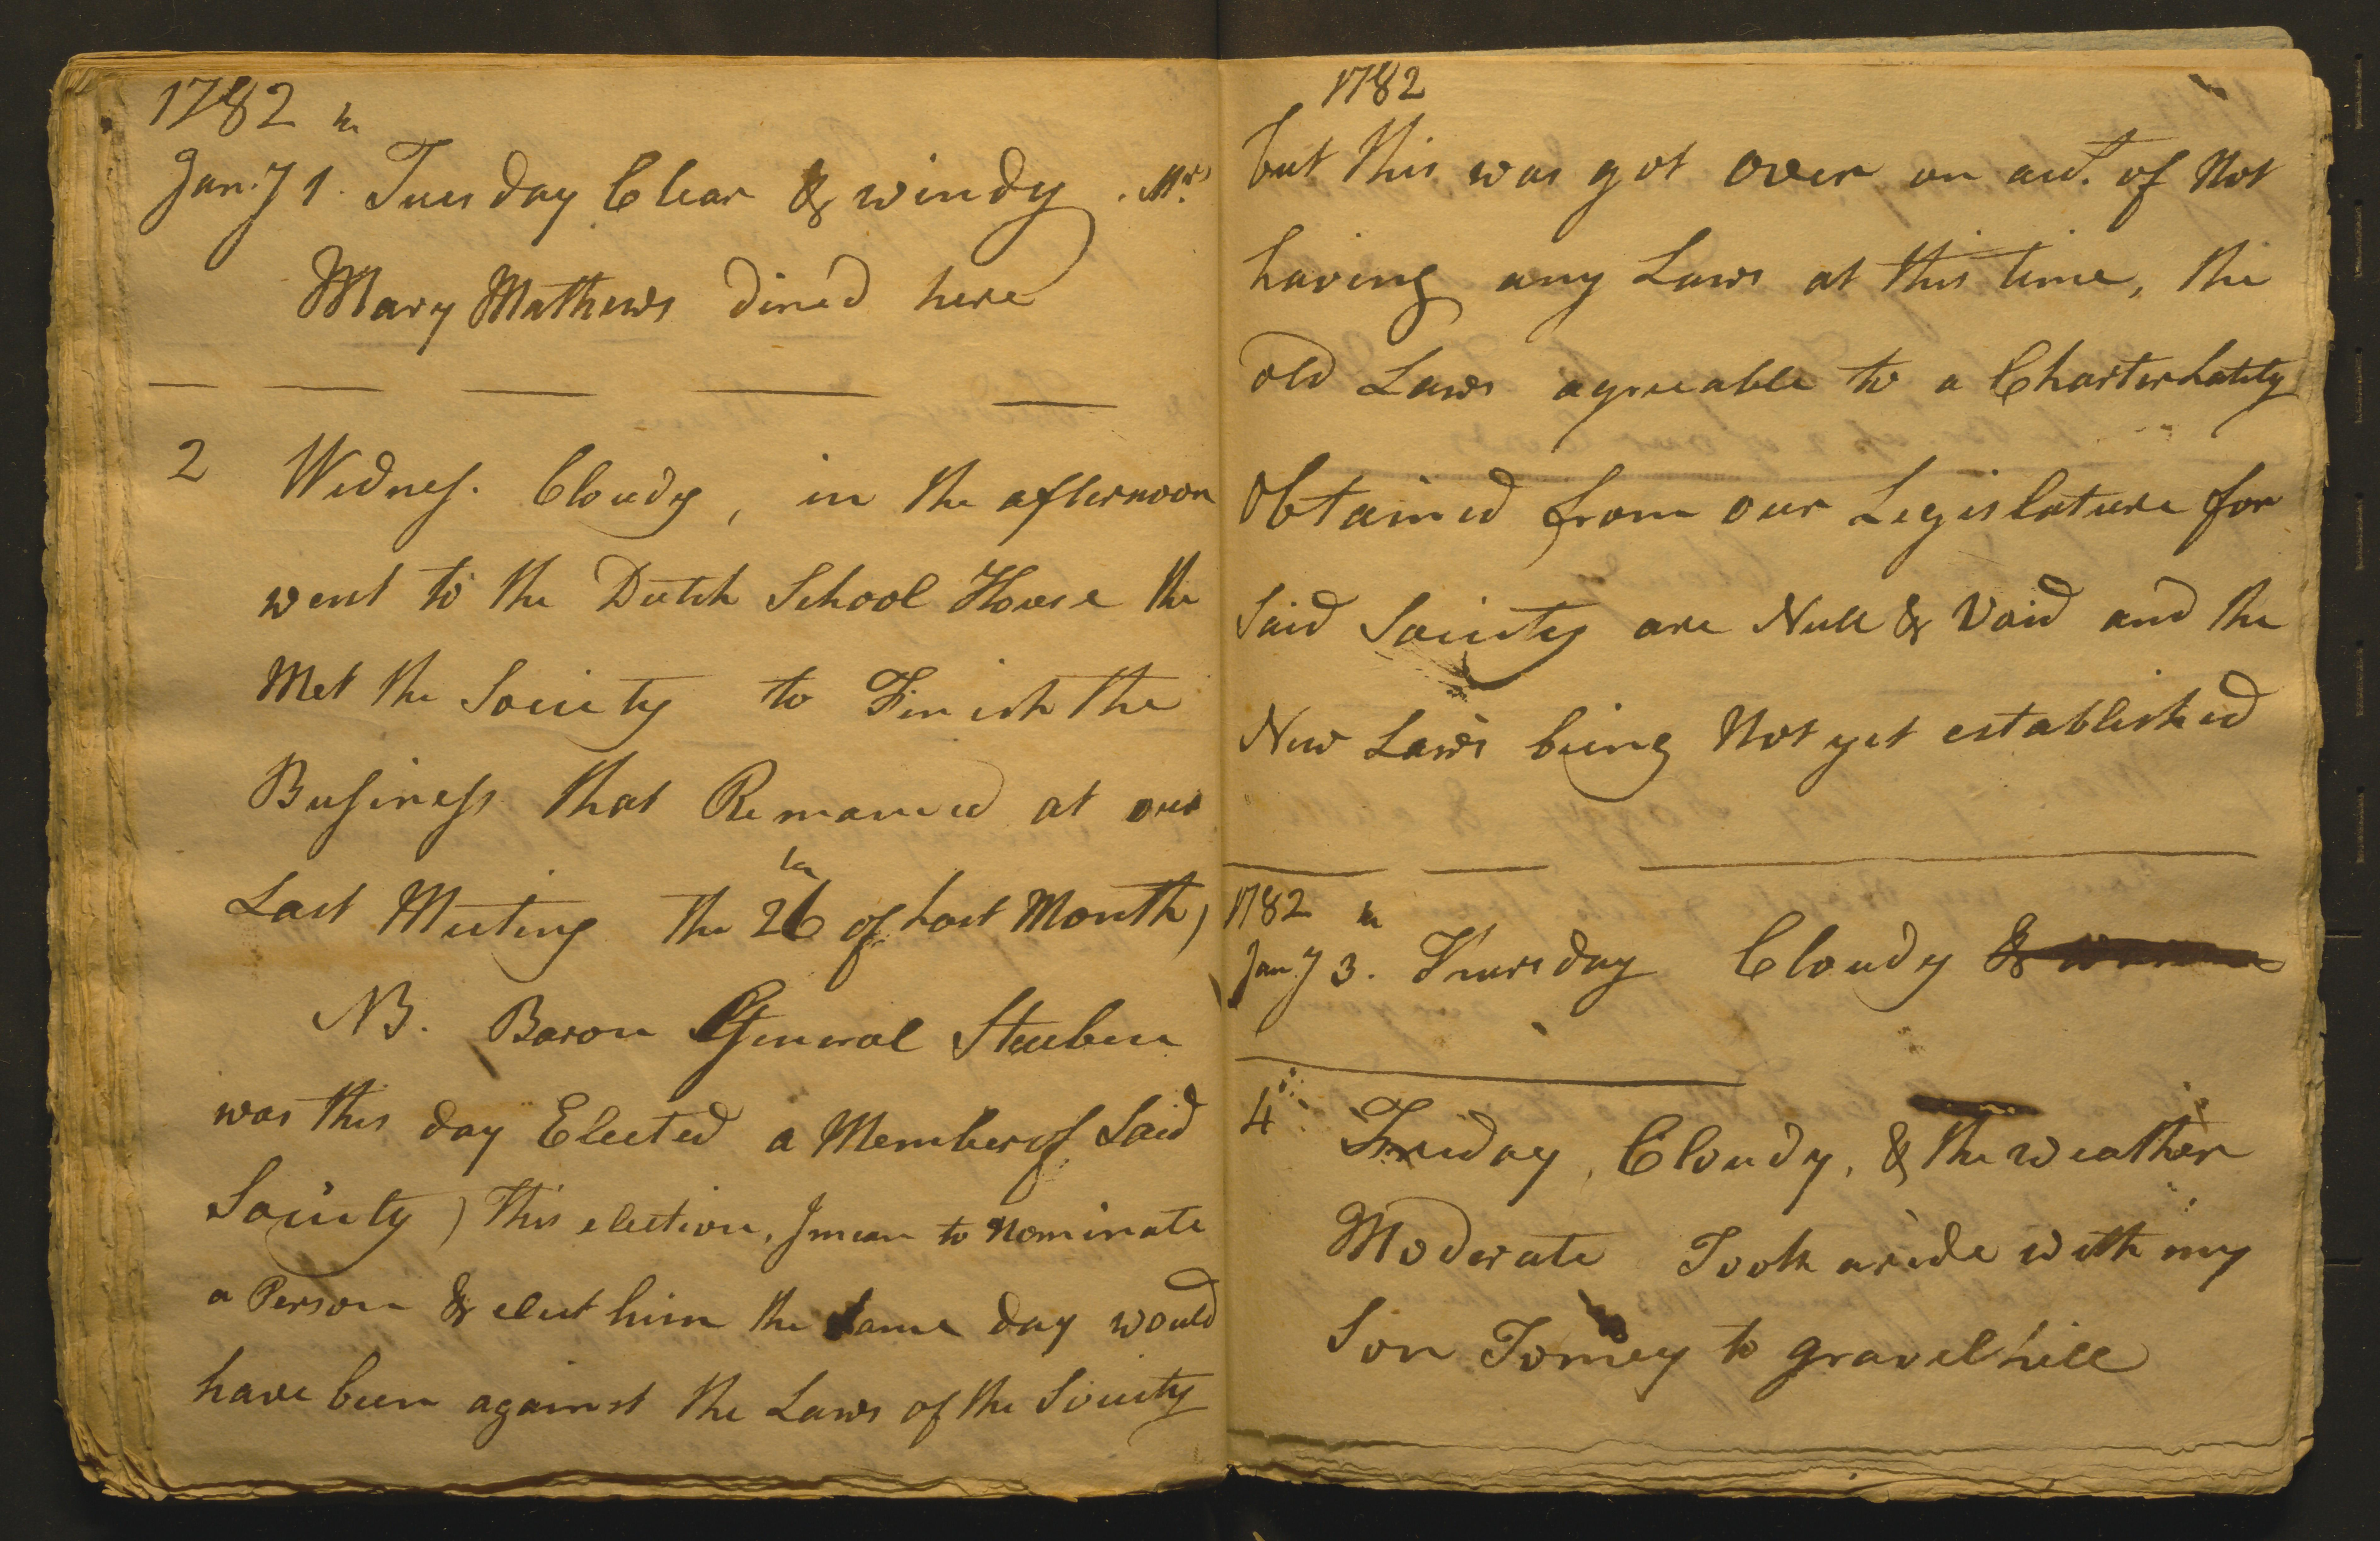1782
Jan^y. 1^th. Tuesday Clear & windy M^rs.
Mary Mathews dined here
2 Wednes. Cloudy in the afternoon
went to the Dutch School House the
Met the Society to Finish the
Business that Remained at out
Last Meeting the 26^th of Last Month,
NB. Baron General Steueben
was this day Elected a Member of Said
Society, This election, I mean to Nominate
a Person & elect him the same day would
have been against the Laws of the Society
1782
but this was got over on acc^t. of Not
having any Laws at this time, the
old Laws agreeable to a Charter Latety
obtained from our Legeslature for
said Soceity are Null & Void and the
New Laws being Not yet established
1782
Jan^y 3^th. Thursday Cloudy & [___]
4 Friday Cloudy, & the weather
Moderate Took a ride with my
Son Tomey to gravelhill